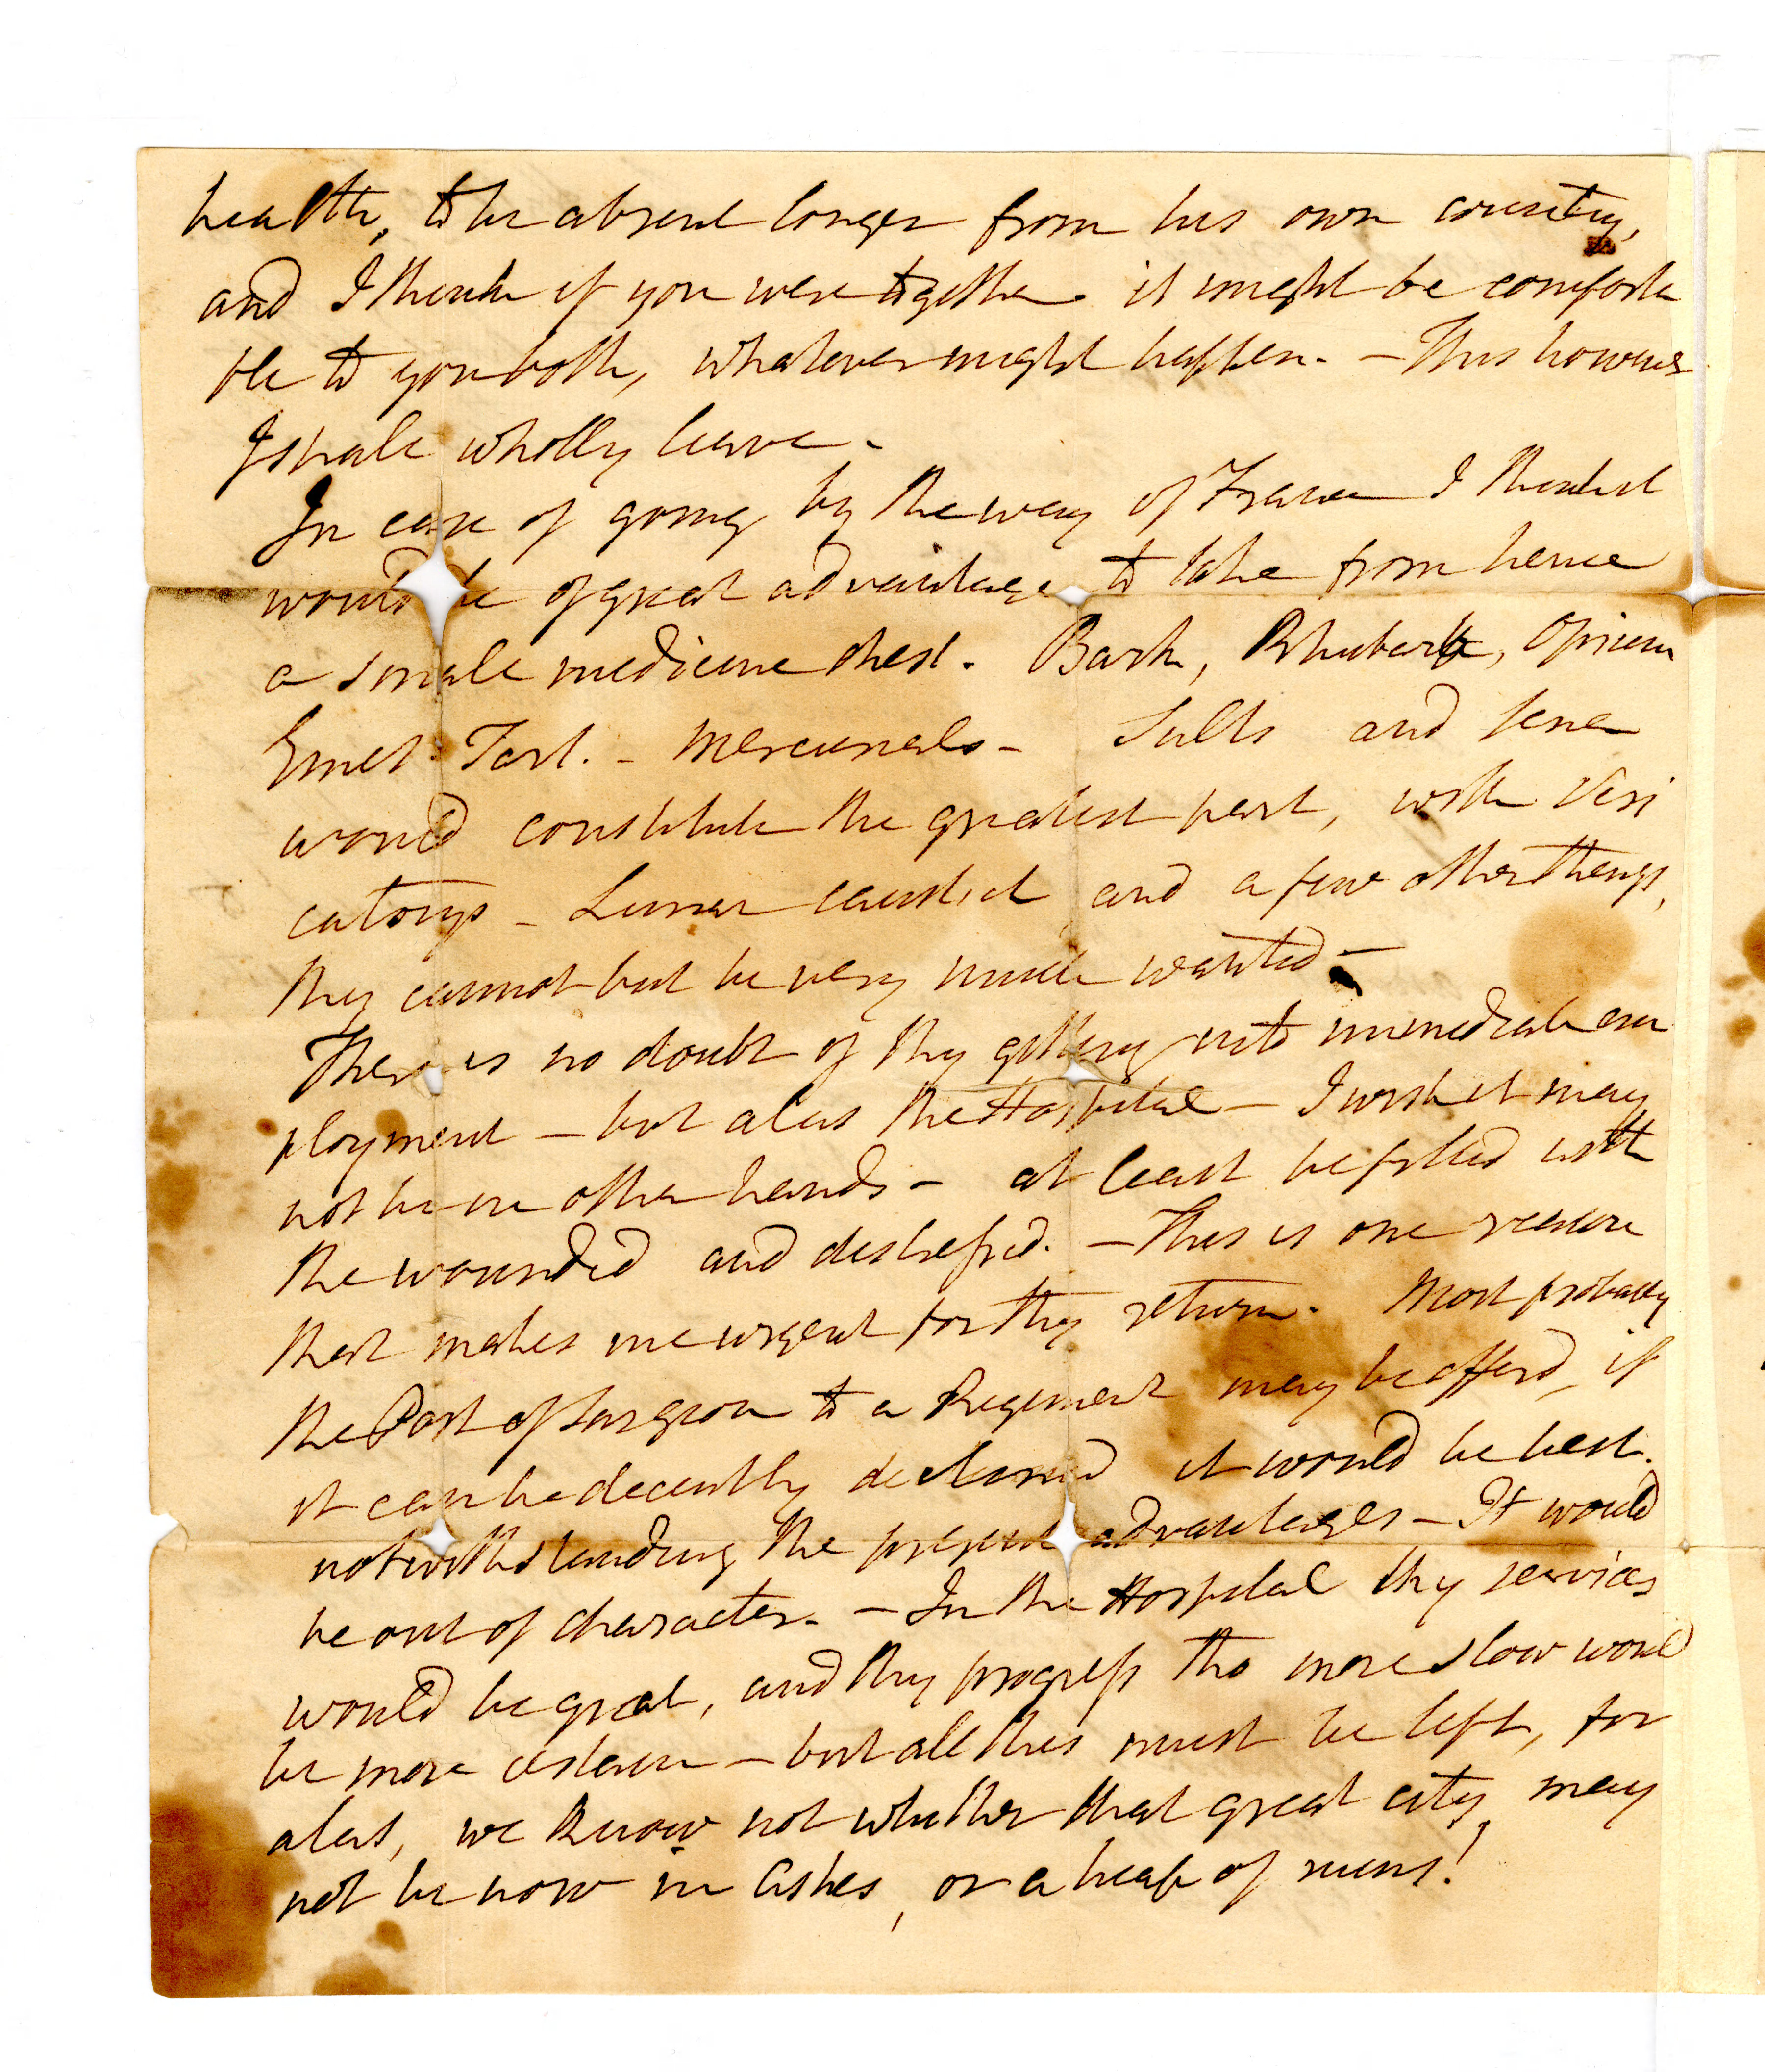health, to be absent longer from his own country,
and I think if you were together it might be comforta
ble to you both, whatever might happen.- This however
I shall wholly leave.
In case of going by the way of France I think it
would be of great advantage to take from hence
a small medicine chest. Bark, Rhubarb, Opium
Emet: Tart.- mercurials- salts and sena
would constitute the greatest part, with Vin
catorys- Lunar caustick and a few other things,
they cannot but be very much wanted-
Ther[_] is no doubt of thy getting into an medcal em
ployment- but also the Hospital- I wish it may
not be in other hands- at least be filled with
the wounded and distressed- This is one reason
that makes me urgent for thy return. Most probably
the Part of Surgeon to a Regiment may be offered, if
it can be decently declamd it would be best.
notwithstanding the present advantages- It would
be out of character.- In the Hospital thy services
would be great, and thy progress tho more slow would
be more certain- but all this must be left, for
alas, we know not whether that great city may
not be now in Ashes, or a heap of ruins!